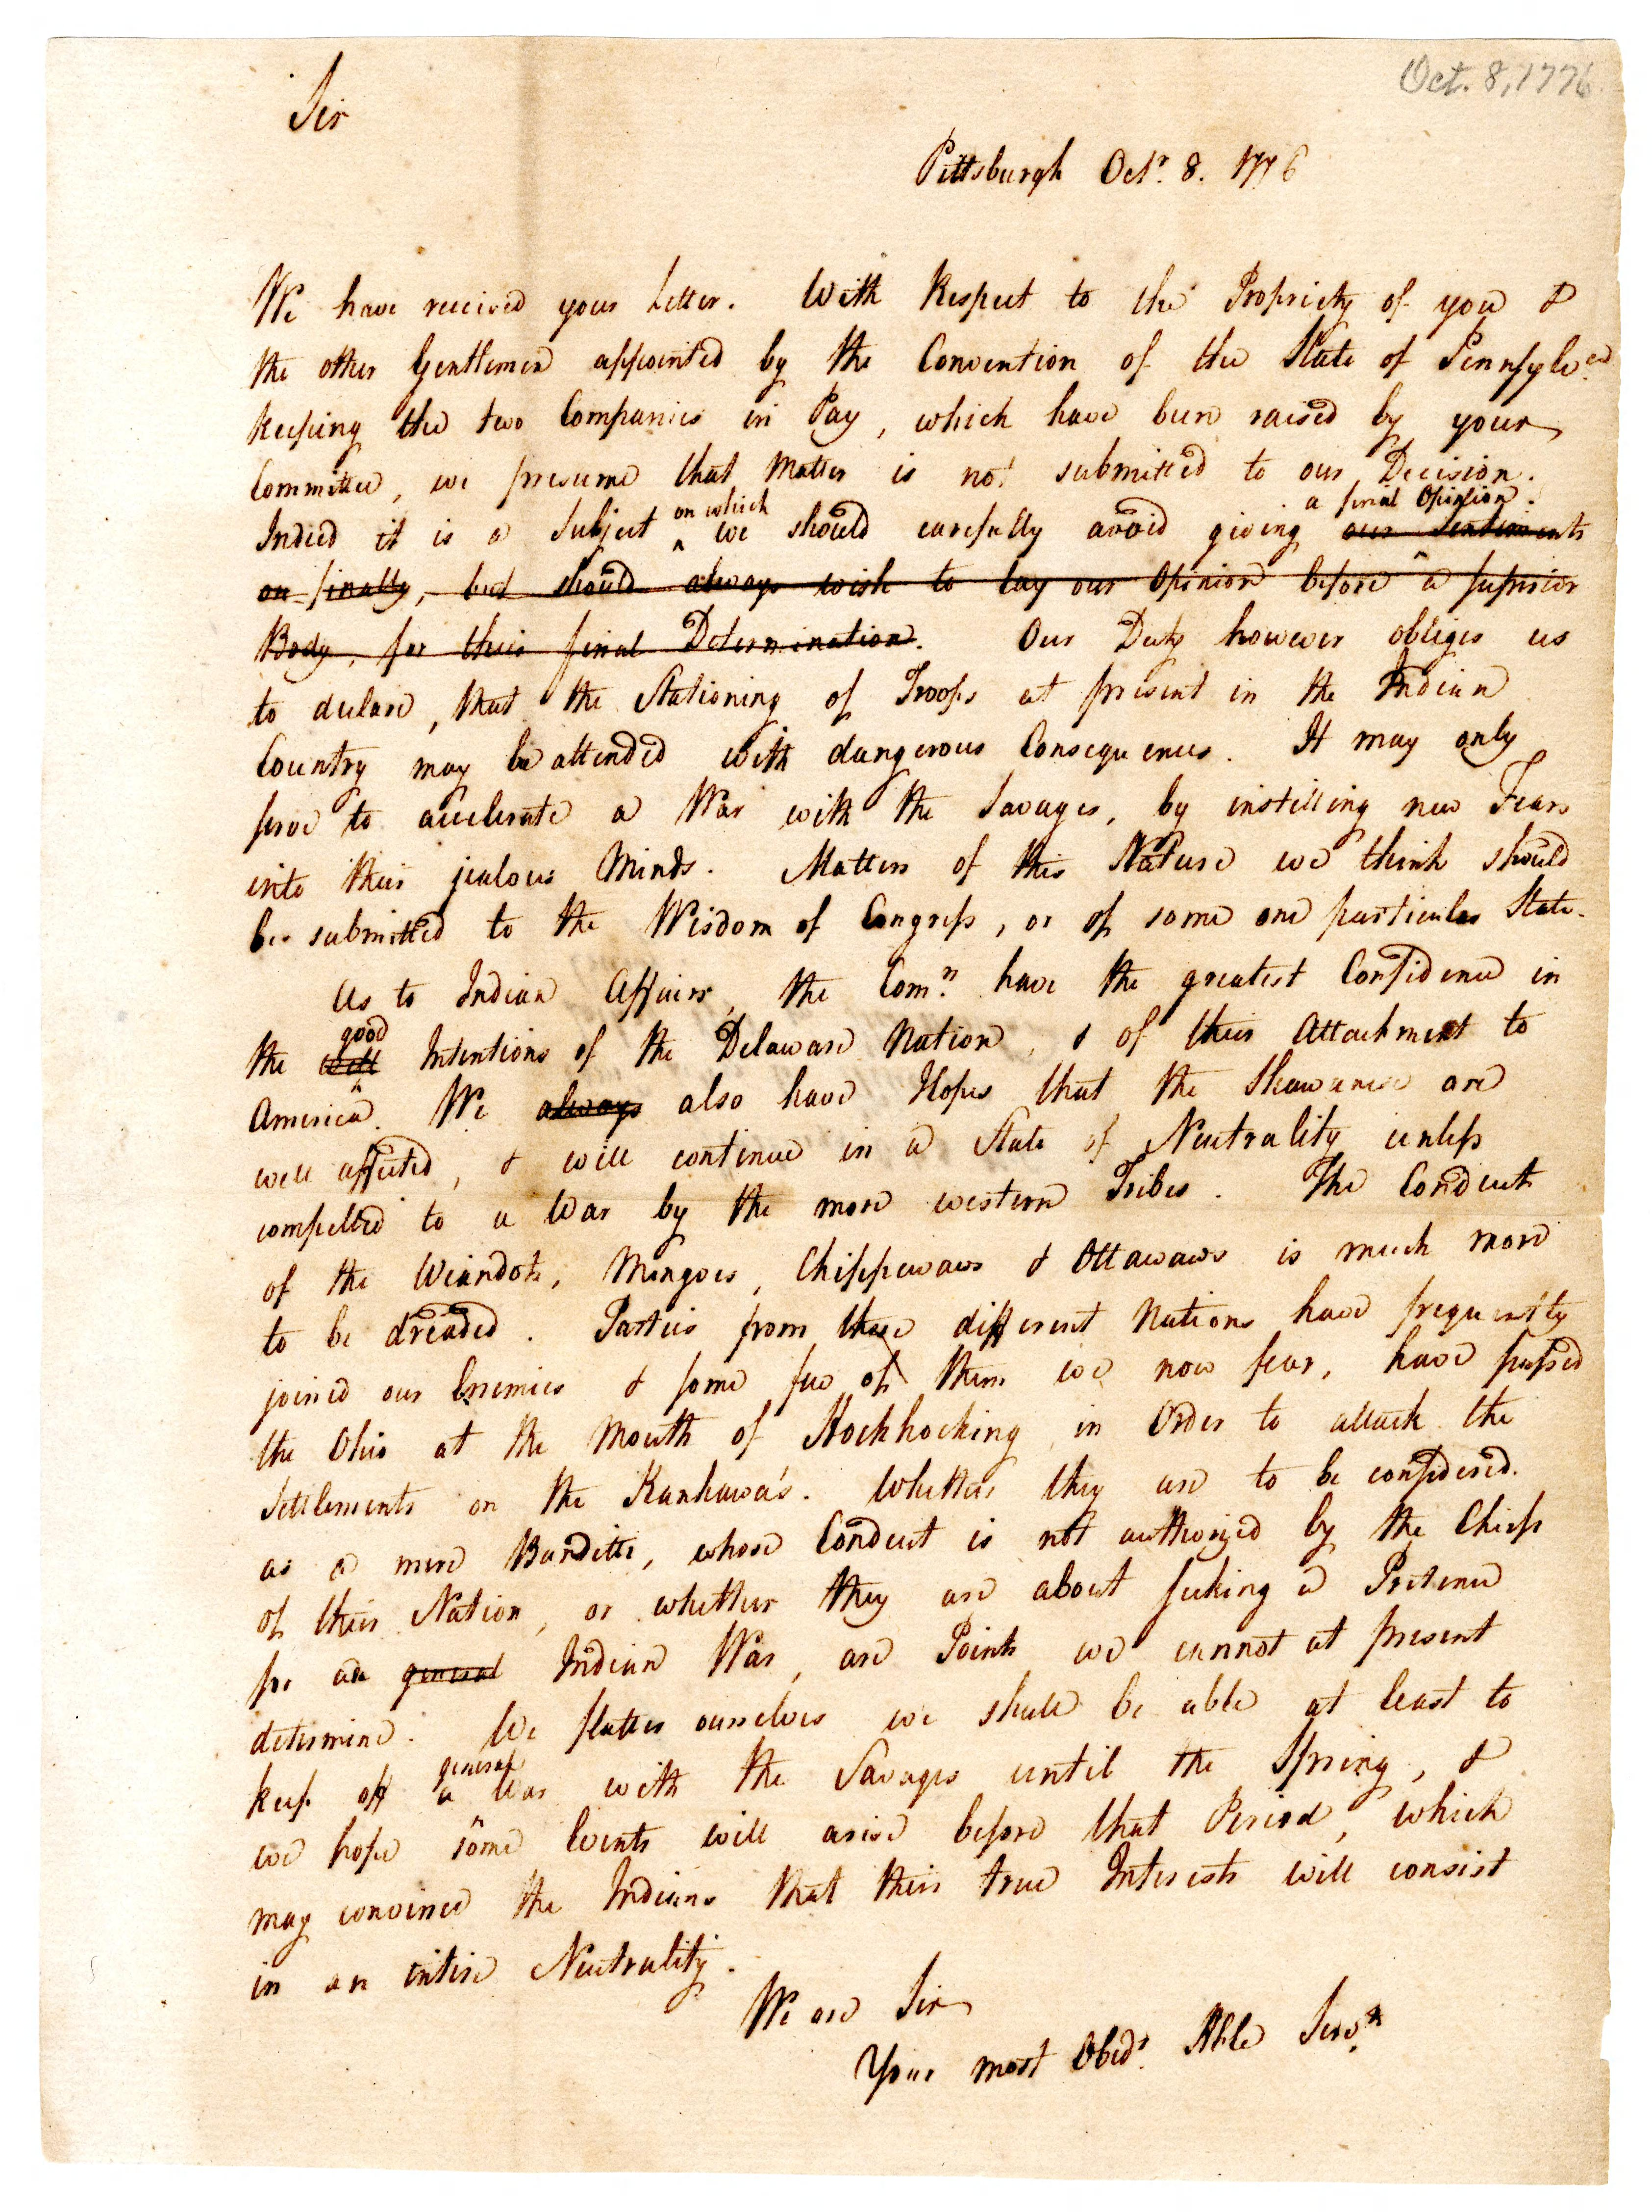Pittsburgh Oct^r. 8. 1776
Sir
We have received your Letter. With Respect to the Propriety of you &
the other Gentlemen appointed by the Convention of the State of Pennsylv^a.
keeping the two Companies in Pay, which have been raised by your
Committee, we presume that Matter is not submitted to our Decision.
on which
a final Opinion.
Indeed it is a subject ^ we should carefully avoid giving ^ our Sentiments
on finally, but should always wish to lay our Opinion before a superior
Body, for this final Determination. Our Duty however obliges us
to declare, that the Stationing of Troops at present in the Indian
Country may be attended with dangerous Consequences. It may only
serve to accelerate a War with the Savages, by instilling new Fears
into their jealous minds. Matters of this Nature we think should
be submitted to the Wisdom of Congress, or of some one particular State.
As to Indian Affairs, the Com^r. have the greatest Confidence in
good
the well ^ Intentions of the Delaware Nation, & of their Attachment to
America. We always also have Hopes that the Shawanese are
well affected, & will continue in a State of Neutrality unless
compelled to a War by the more western Tribes. The Conduct
of the Wiandot, Mingoes, Chippewaws & Ottawaws is much more
to be dreaded. Parties from these different Nations have frequently
joined our Enemies & some few of them we now fear, have passed
the Ohio at the Mouth of Hockhocking in Order to attack the
Settlements on the Kanhawa's. Whether they are to be considered
as a mere Banditti, whose Conduct is not authorized by the Chiefs
of their Nation, or whether they are about seeking a Pretence
for an general Indian War, are Points we cannot at present
determine. We flatter ourselves we shall be able at least to
general
keep off a ^ War with the Savages until the Spring, &
we hope some Events will arise before that Period, which
may convince the Indians that their true Interests will consist
in an entire Neutrality.
We are Sir
Your most Obed^t Hble Serv^t.